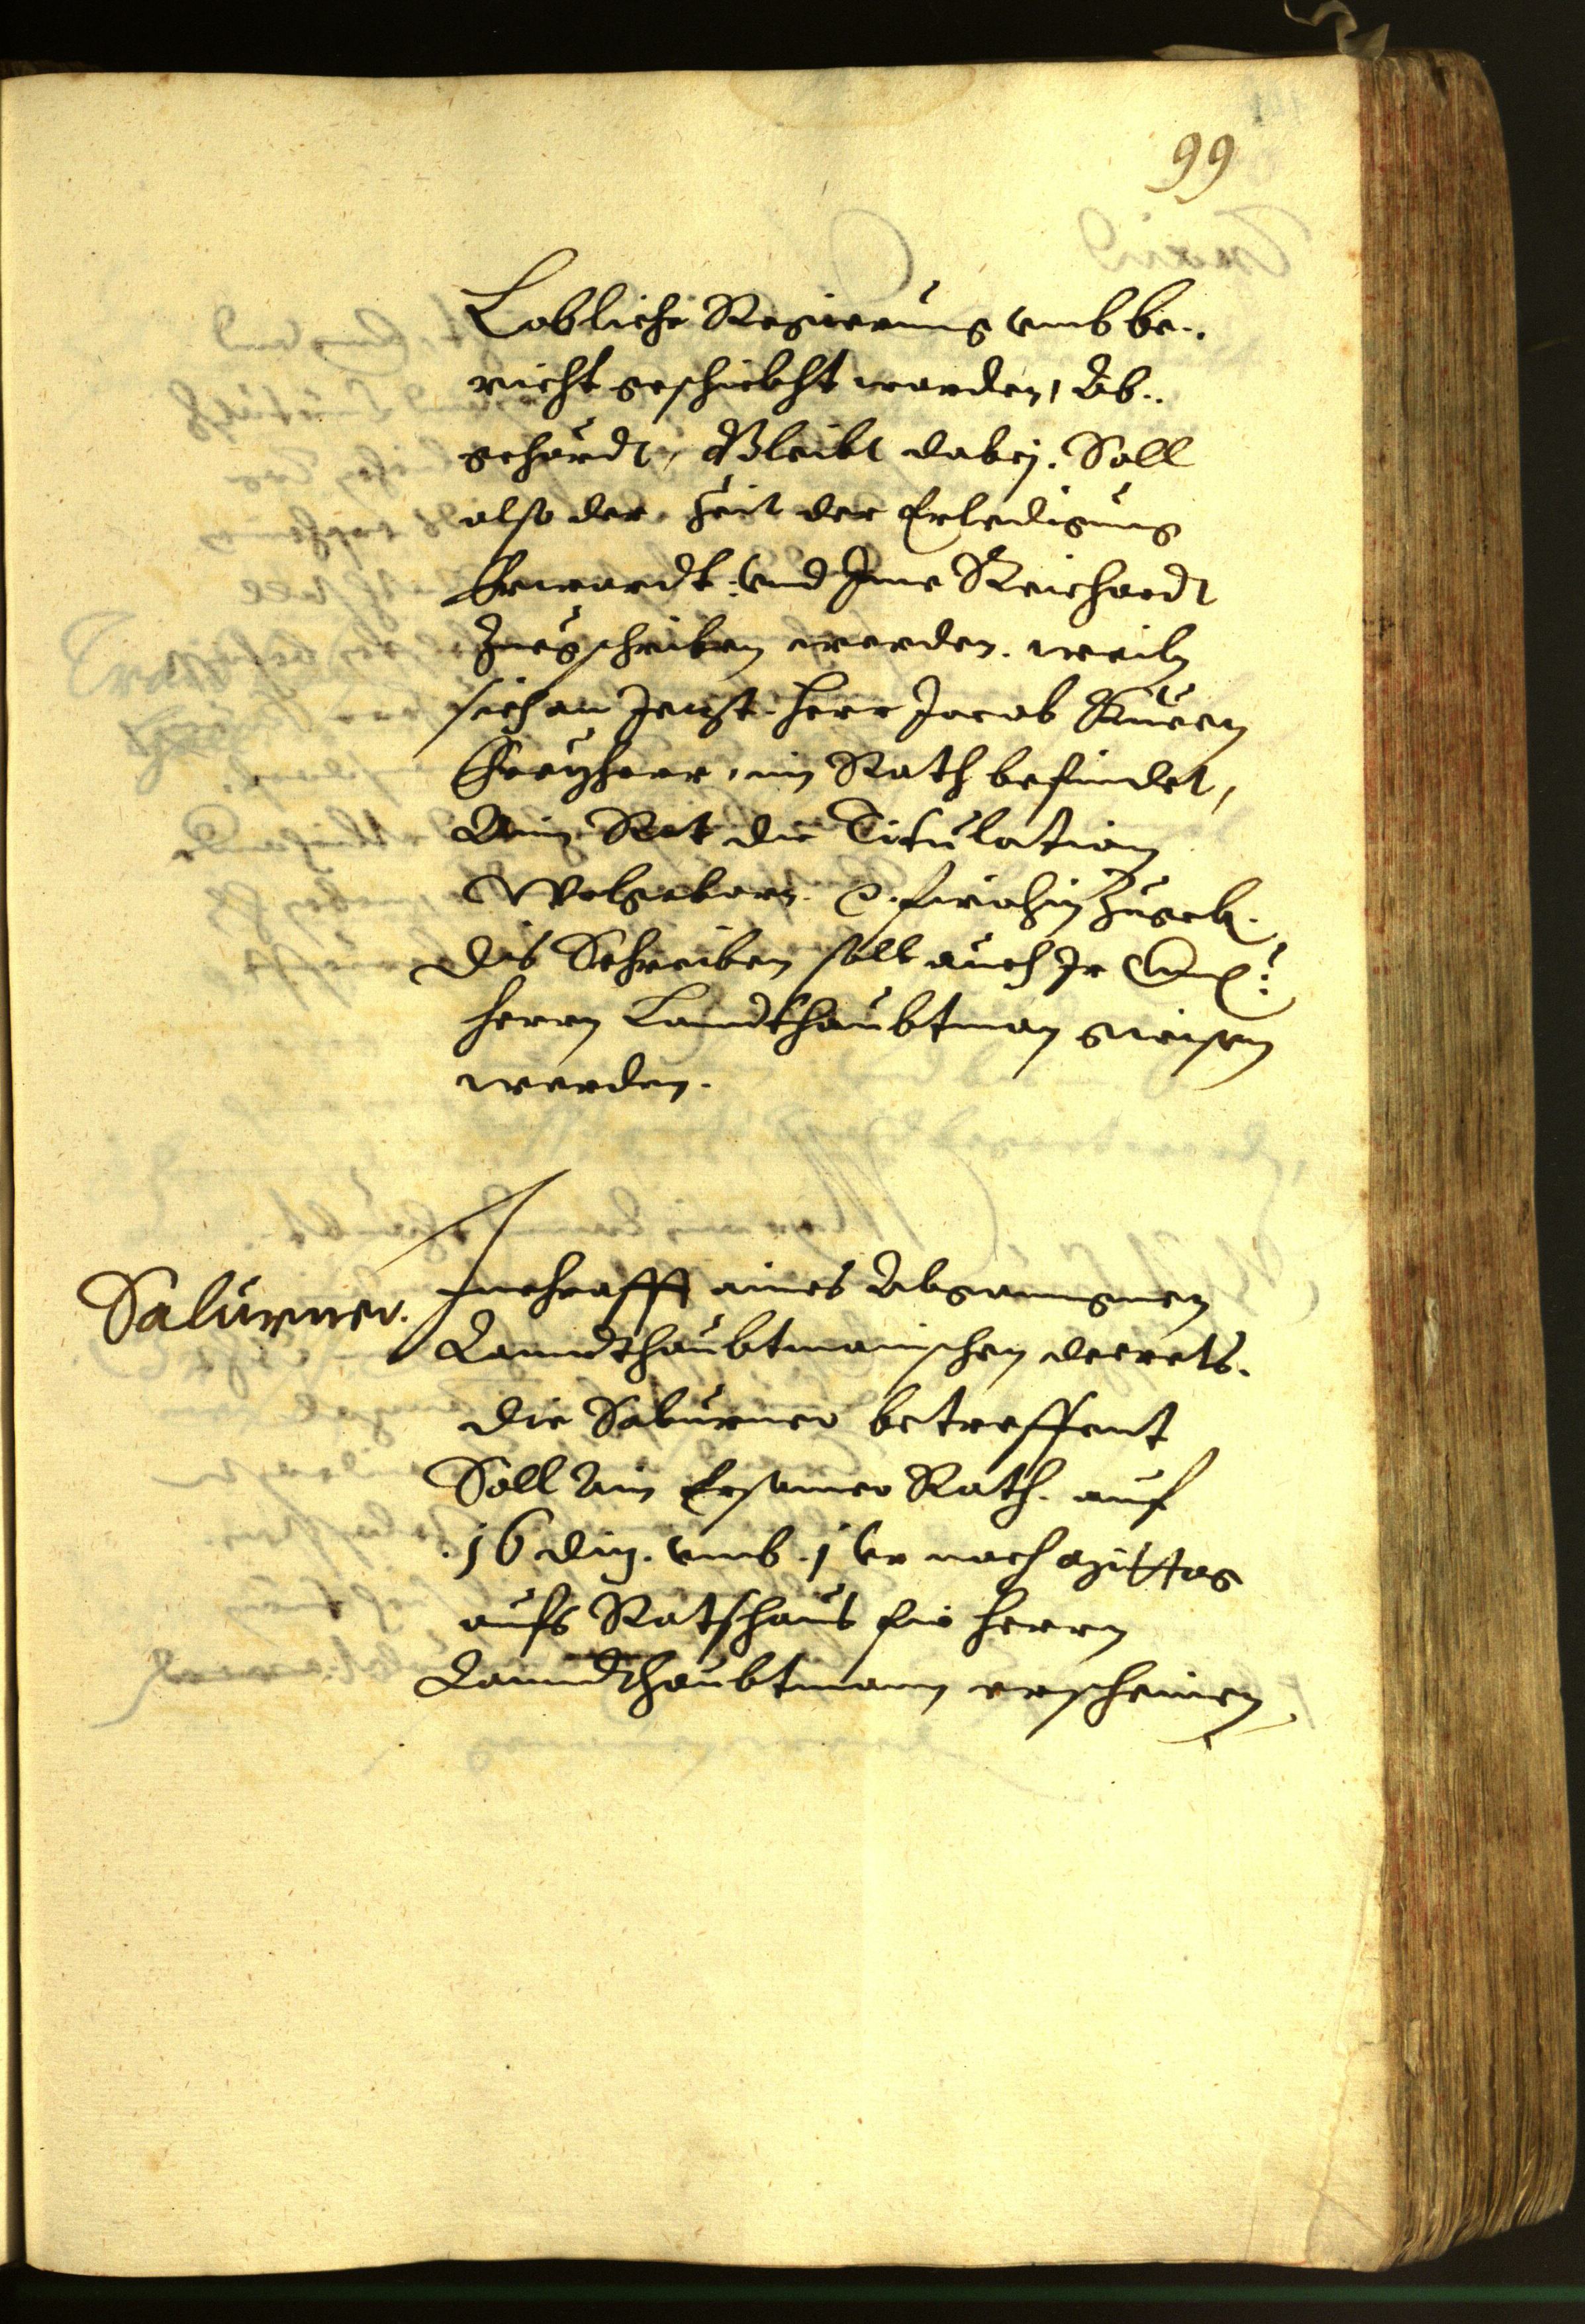99
Lobliche Regierūng vmb be¬
richt geschickht worden, Abge¬
hōrdt, Bleibt dabej. Soll
also der Zeit der Erledigūng
Erwardt: vnd Ime Reichardt
Zūegschriben werden. weiln
sich an Jezt herr Jacob Kūeen
Freȳherr, im Rath befindet,
Aim Rat die Titūlation
Wolgeborn etc. firohin Zūgeb.
Dis Schreiben soll aūch Ir Gn:
herrn Lanndthaūbtman gwisen
werden.
Inchrafft aines Abganngnen
Lanndthaūbtmanischen decrets.
die Salūrner betreffent
Soll Ain Ersamer Rath. aūf
.16 diz. vmb .1 vr nach Mittag
aūfs Ratshaūs fir herrn
Lanndthaūbtmann erscheinen.
Salūrner.